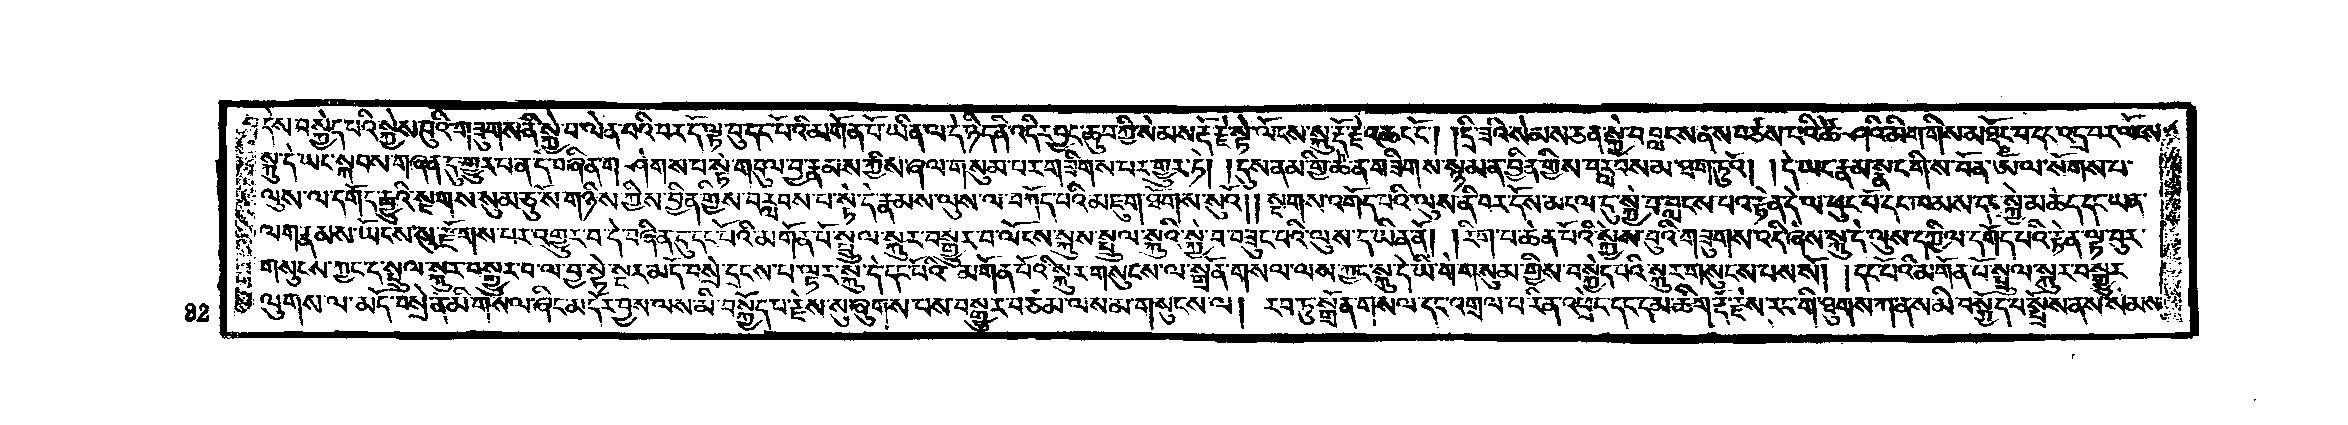དེས་བསྐྱེད་པའི་སྐྱེས་བུའི་གཟུགས་ནི་སྐྱེ་བ་ལེན་པའི་བར་དོ་ལྟ་བུ་དང་པོའི་མགོན་པོ་ཡིན་ལ་དེ་ཉིད་ནི་འདིར་བྱང་ཆུབ་ཀྱི་སེམས་རྡོ་རྗེ་སྟེ་ལོངས་སྐུ་རྡོ་རྗེ་འཆང་ངོ། །དྲི་བའི་སེམས་ཅན་སྐྱེ་བ་བླངས་ནས་བཙས་པའི་ཚེ་ཤའི་མིག་གིས་མཐོང་བ་དང་འདྲ་བར་ལོངས་
སྐུ་དེ་ཡང་སྐབས་གཞན་དུ་གྱུར་པ་ན་དེ་བཞིན་གཤེགས་པ་སྟེ་གདུལ་བྱ་རྣམས་ཀྱིས་ཞལ་གསུམ་པར་གཟིགས་པར་གྱུར་ཏེ། །དུས་ནམ་གྱི་ཚེ་ན་གཟིགས་སྙམ་ན་བྱིན་གྱིས་བརླབས་མ་ཐག་ཏུའོ། །དེ་ཡང་རྣམ་སྣང་གི་ས་བོན་ཨོཾ་ལ་སོགས་པ་
ལུས་ལ་དགོད་རྒྱུའི་སྔགས་སུམ་ཅུ་སོ་གཉིས་ཀྱིས་བྱིན་གྱིས་བརླབས་པ་སྟེ་དེ་རྣམས་ལུས་ལ་བཀོད་པའི་མཇུག་ཐོགས་སུའོ། །སྔགས་འགོད་པའི་ལུས་ནི་བར་དོས་མངལ་དུ་སྐྱེ་བ་བླངས་པའི་རྟེན་དེ་ལ་ཕུང་པོ་དང་ཁམས་དང་སྐྱེ་མཆེད་དང་ཡན་
ལག་རྣམས་ཡོངས་སུ་རྫོགས་པར་འགྱུར་བ་དེ་བཞིན་དུ་དང་པོའི་མགོན་པོ་སྤྲུལ་སྐུར་བསྒྱུར་བ་ལོངས་སྐུས་སྤྲུལ་སྐུའི་སྐྱེ་བ་བཟུང་བའི་ལུས་ད་ཡིན་ནོ། །རིག་པ་ཆེན་པོའི་སྐྱེས་བུའི་གཟུགས་འདི་ཞེས་སྐུ་དེ་ལུས་དཀྱིལ་དགོད་པའི་རྟེན་ལྟ་བུར་
གསུངས་ཀྱང་ད་སྤྲུལ་སྐུར་བསྒྱུར་བ་ལ་བྱ་སྟེ་སྔར་མདོ་བསྲེ་དྲངས་པ་ལྟར་སྐུ་དེ་དང་པོའི་མགོན་པོའི་སྐུར་གསུངས་ལ་སྒྲོན་གསལ་ལས་ཀྱང་སྐུ་དེ་ཡི་གེ་གསུམ་གྱིས་བསྐྱེད་པའི་སྐུར་གསུངས་པས་སོ། །དང་པོའི་མགོན་པོ་སྤྲུལ་སྐུར་བསྒྱུར་
ལུགས་ལ་མདོ་བསྲེན་མི་གསལ་ཞིང་མདོར་བྱས་ལས་མི་བསྐྱོད་པ་རྗེས་སུ་ཞུགས་པས་བསྒྱུར་བ་ཙམ་ལས་མ་གསུངས་ལ། རབ་ཏུ་སྒྲོན་གསལ་དང་འགྲེལ་པ་རིན་འཕྲེང་དང་དམ་ཚིག་རྡོ་རྗེས་རང་གི་ཐུགས་ཀ་ནས་མི་བསྐྱོད་པ་སྤྲོས་ནས་སེམས་